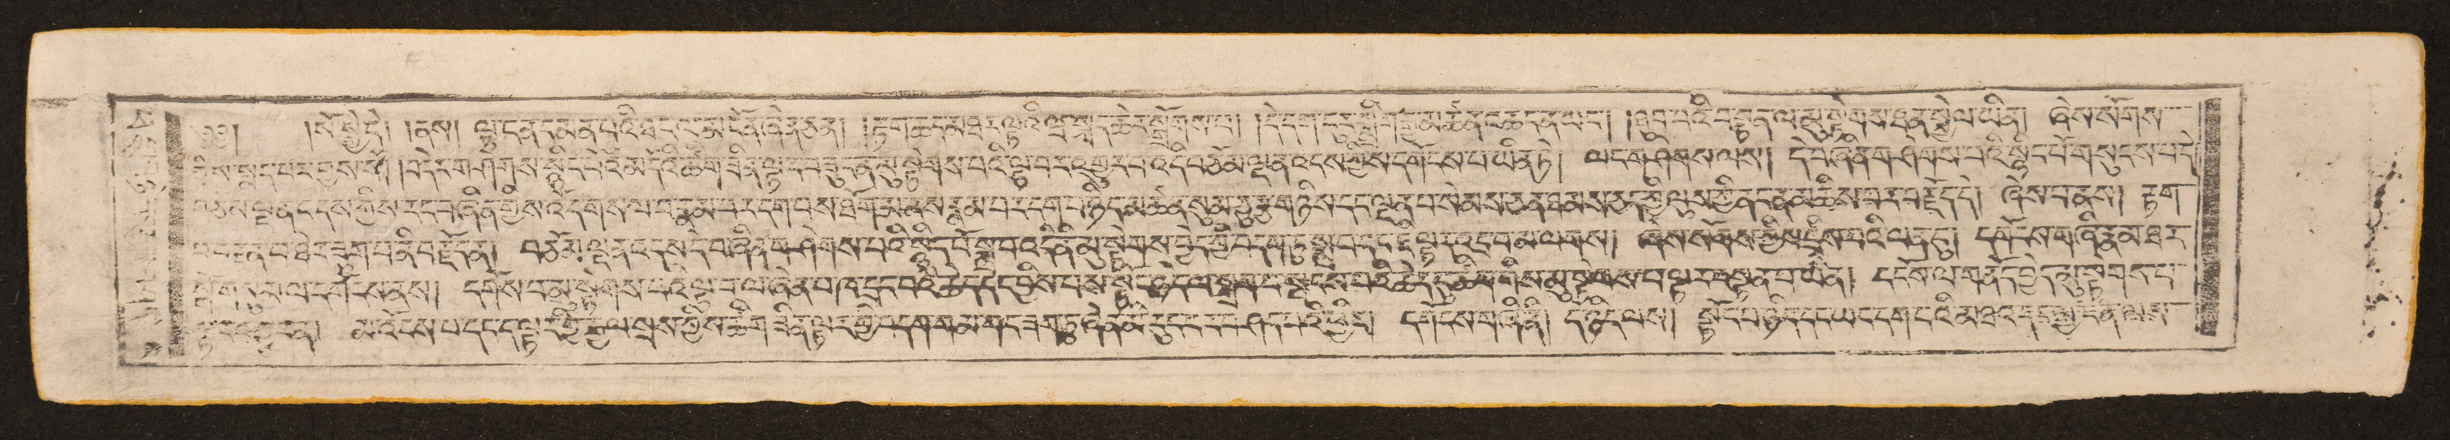༄༅། །སོ་སྐྱེ་དེ། །ནས། ལྟ་ངན་དམན་པའི་ཐང་ལ་མངོན་ཞེན་ཅན། །རྟག་ཆད་མཐར་ལྟའི་ཝ་སྐད་ཆེར་སྒྲོགས་པ། །དེ་དག་ངུར་སྨྲིག་རྒྱ་མཚན་འཆད་ན་ཡང་། །ཐུབ་པའི་བསྟན་ལ་མུ་སྟེགས་ཐན་སྐྱེལ་ཡིན། ཞེས་སོགས་
ཀྱིས་སྨད་པར་བྱས་སོ། །བདེར་གཤེགས་སྙིང་པོའི་མདོའི་ཚིག་ཟིན་ལྟར་བཟུང་ན་མུ་སྟེགས་པའི་ལྟ་བར་འགྱུར་བ་འདི་བཅོམ་ལྡན་འདས་ཀྱིས་དགོངས་པ་ཡིན་ཏེ། ལང་གཤེགས་ལས། དེ་བཞིན་གཤེགས་པའི་སྙིང་པོ་གསུངས་པ་དེ།
བཅོམ་ལྡན་འདས་ཀྱིས་རང་བཞིན་གྱིས་འོད་གསལ་བ་རྣམ་པར་དག་པས་ཐོག་མ་ནས་རྣམ་པར་དག་པ་ཉིད་མཚན་སུམ་ཅུ་རྩ་གཉིས་དང་ལྡན་པ་སེམས་ཅན་ཐམས་ཅད་ཀྱི་ལུས་ཀྱི་ནང་ན་མཆིས་པར་བརྗོད་དེ། ཞེས་པ་ནས། རྟག་
པ་བརྟན་པ་ཐེར་ཟུག་པ་ནི་བརྗོད་ན། བཅོམ་ལྡན་འདས་དེ་བཞིན་གཤེགས་པའི་སྙིང་པོ་སྨྲ་བ་འདི་ནི་མུ་སྟེགས་བྱེད་ཀྱི་བདག་ཏུ་སྨྲ་བ་དང་ཇི་ལྟར་འདྲ་བ་མ་ལགས། ཞེས་སོགས་ཀྱིས་དྲིས་པའི་ལན་དུ། དགོངས་གཞི་རྣམ་ཐར་
སྒོ་གསུམ་ལ་དགོངས་ནས། དགོས་པ་མུ་སྟགས་པའི་ལྟ་བ་ལ་ཞེན་བ་ཁ་དྲང་བའི་ཆེད་དང་བྱིས་པས་སྟོང་ཉིད་ལ་སྐྲག་པ་སྦངས་པའི་ཆེད་དུ་ཚིག་གིས་མུ་སྟེགས་པ་ལྟར་བསྟན་པ་ཡིན། དངོས་ལ་གནོད་བྱེད་མུ་སྟེགས་པ་
ལྟར་འགྱུར་ན། མ་འོངས་པ་དང་ད་ལྟར་གྱི་རྒྱལ་སྲས་ཀྱིས་ཚིག་ཟིན་ལྟར་གྱི་བདག་གམ་གང་ཟག་ཏུ་ཞེན་མི་རུང་ངར་བཤད་པའི་ཕྱིར། དགོངས་གཞི་ནི། དེ་ཉིད་ལས། སྟོང་བ་ཉིད་དང་ཡང་དག་པའི་མཐའི་དང་མྱ་ངན་ལས་